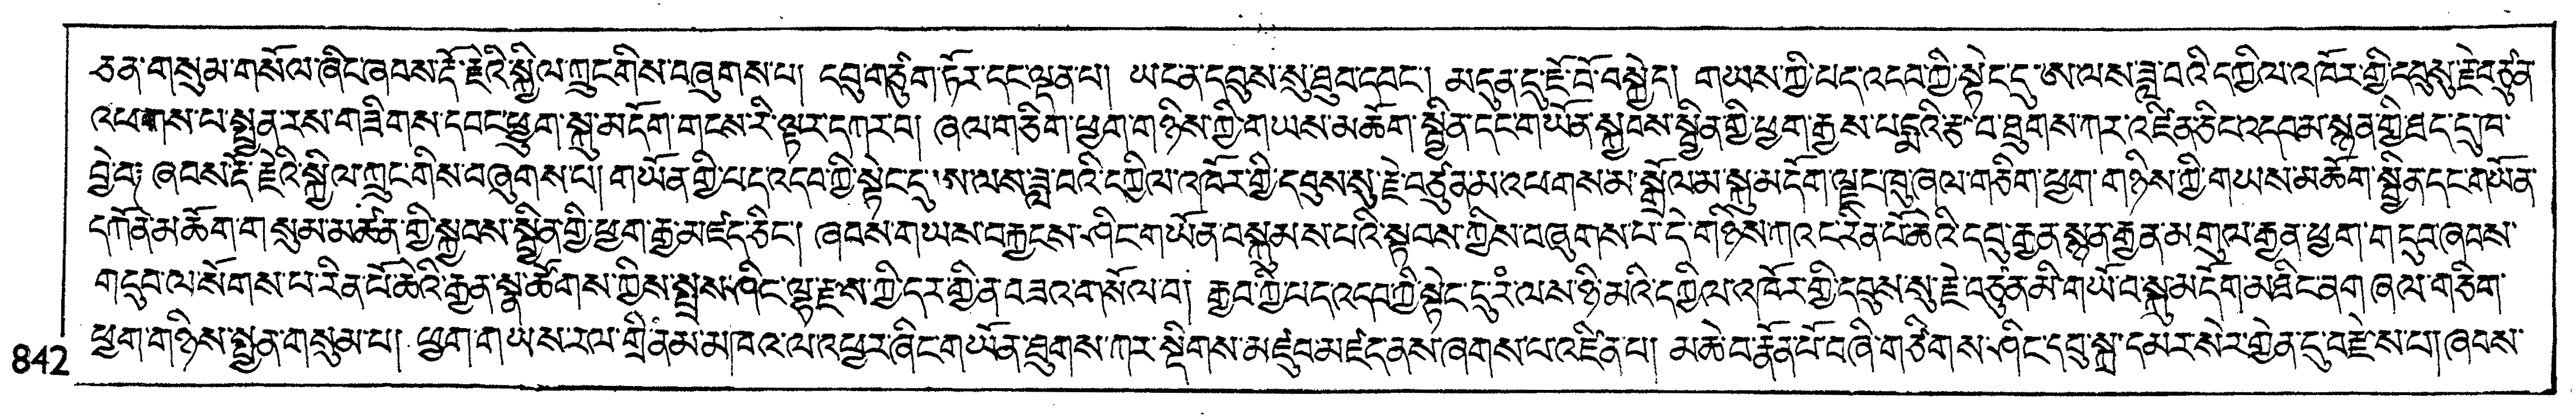ཅན་གསུམ་གསོལ་ཞིང་ཞབས་རྡོ་རྗེའི་སྐྱིལ་ཀྲུང་གིས་བཞུགས་པ། དབུ་གཙུག་ཏོར་དང་ལྡན་པ། ཡང་ན་དབུས་སུ་ཐུབ་དབང་། མདུན་དུ་ཇོ་བོ་བསྐྱེད། གཡས་ཀྱི་པད་འདབ་ཀྱི་སྟེང་དུ་ཨ་ལས་ཟླ་བའི་དཀྱིལ་འཁོར་གྱི་དབུས་སུ་རྗེ་བཙུན་
འཕགས་པ་སྤྱན་རས་གཟིགས་དབང་ཕྱུག་སྐུ་མདོག་གངས་རི་ལྟར་དཀར་བ། ཞལ་གཅིག་ཕྱག་གཉིས་ཀྱི་གཡས་མཆོག་སྦྱིན་དང་གཡོན་སྐྱབས་སྦྱིན་གྱི་ཕྱག་རྒྱས་པདམའི་རྩ་བ་ཐུགས་ཀར་འཛིན་ཅིང་འདབ་མ་སྙན་གྱི་ཐད་དུ་ཁ་
བྱེ་བ། ཞབས་རྡོ་རྗེའི་སྐྱིལ་ཀྲུང་གིས་བཞུགས་པ། གཡོན་གྱི་པད་འདབ་ཀྱི་སྟེང་དུ་ཨ་ལས་ཟླ་བའི་དཀྱིལ་འཁོར་གྱི་དབུས་སུ་རྗེ་བཙུན་མ་འཕགས་མ་སྒྲོལ་མ་སྐུ་མདོག་ལྗང་ཁུ་ཞལ་གཅིག་ཕྱག་གཉིས་ཀྱི་གཡས་མཆོག་སྦྱིན་དང་གཡོན་
དཀོན་མཆོག་གསུམ་མཚན་གྱི་སྐྱབས་སྦྱིན་གྱི་ཕྱག་རྒྱ་མཛད་ཅིང་། ཞབས་གཡས་བརྐྱངས་ཤིང་གཡོན་བསྐུམས་པའི་སྟབས་ཀྱིས་བཞུགས་པ་དེ་གཉིས་ཀའང་རིན་པོ་ཆེའི་དབུ་རྒྱན་སྙན་རྒྱན་མགུལ་རྒྱན་ཕྱག་གདུབ་ཞབས་
གདུབ་ལ་སོགས་པ་རིན་པོ་ཆེའི་རྒྱན་སྣ་ཚོགས་ཀྱིས་སྤྲས་ཤིང་ལྷ་རྫས་ཀྱི་དར་གྱི་ན་བཟའ་གསོལ་བ། རྒྱབ་ཀྱི་པད་འདབ་ཀྱི་སྟེང་དུ་རཾ་ལས་ཉི་མའི་དཀྱིལ་འཁོར་གྱི་དབུས་སུ་རྗེ་བཙུན་མི་གཡོ་བ་སྐུ་མདོག་མཐིང་ནག་ཞལ་གཅིག་
ཕྱག་གཉིས་སྤྱན་གསུམ་པ། ཕྱག་གཡས་རལ་གྲི་ནམ་མཁའ་ལ་འཕྱར་ཞིང་གཡོན་ཐུགས་ཀར་སྡིགས་མཛུབ་མཛད་ནས་ཞགས་པ་འཛིན་པ། མཆེ་བ་རྣོན་པོ་བཞི་གཙིགས་ཤིང་དབུ་སྐྲ་དམར་སེར་གྱེན་དུ་བརྫེས་པ། ཞབས་